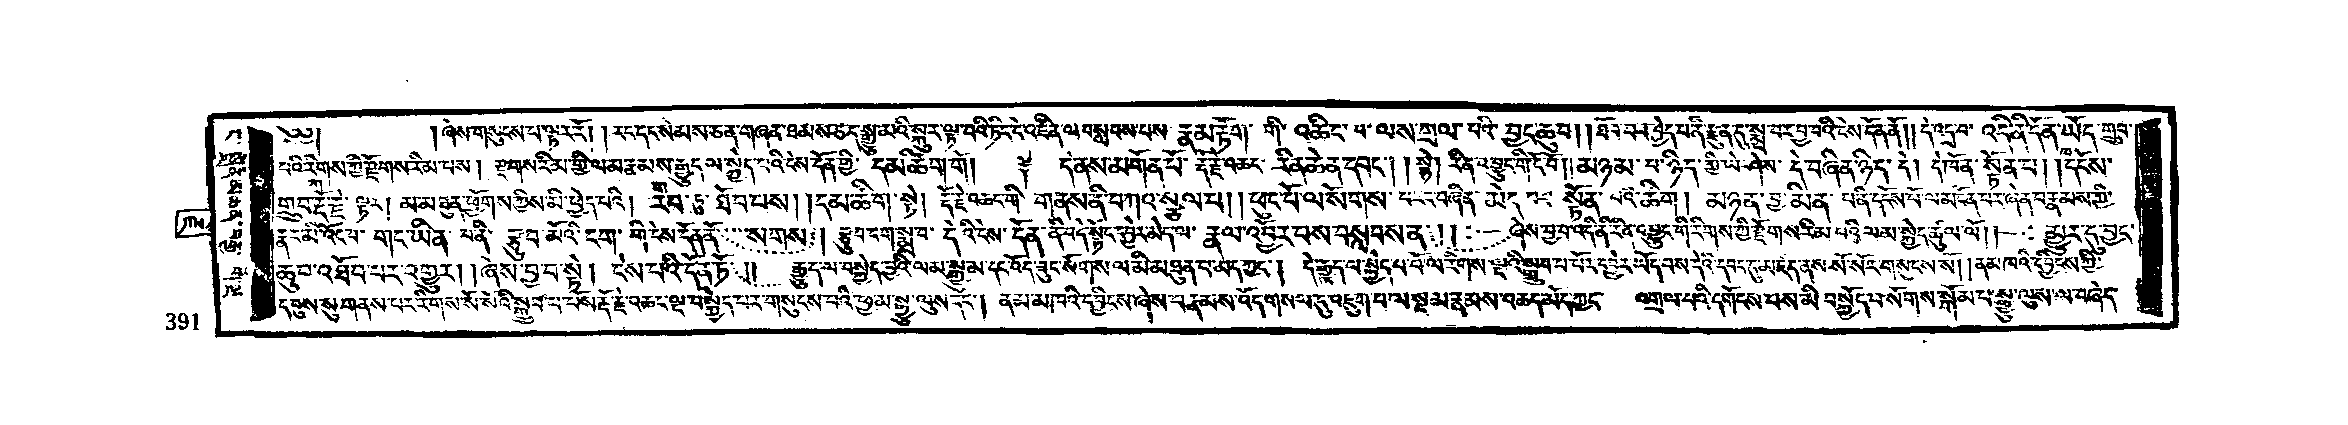༄༅། །ཞེས་གསུངས་པ་ལྟར་རོ། །རང་དང་སེམས་ཅན་གཞན་ཐམས་ཅད་སྒྱུ་མའི་སྐུར་ལྟ་བའི་ཏིང་ངེ་འཛིན་ལ་བསླབས་པས་རྣམ་རྟོག་གི་འཆིང་བ་ལས་གྲལ་པའི་བྱང་ཆུབ། །ཐོབ་པར་བྱེད་པ་ནི་རྫུན་དུ་སྨྲ་བར་བྱ་བའི་ངེས་དོན་ནོ། །དེ་འདྲ་བ་འདི་ནི་དོན་ཡོད་གྲུབ་
པའི་རིགས་ཀྱི་རྫོགས་རིམ་པས། རྫོགས་རིམ་གྱི་ལམ་རྣམས་རྒྱུད་ལ་སྐྱེད་པའི་ངེས་དོན་གྱི་དམ་ཚིག་གོ ། ༈ དེ་ནས་མགོན་པོ་རྡོ་རྗེ་འཆང་རིན་ཆེན་དབང་། ། སྟེ། རིན་འབྱུང་གི་ངོ་བོ།  །མཉམ་པ་ཉིད་ཀྱི་ཡེ་ཤེས་དེ་བཞིན་ཉིད་དེ། དེ་ཁོ་ན་སྟོན་པ། །དངོས་
གྲུབ་རྡོ་རྗེ་ལྟར། མི་མཐུན་ཕྱོགས་ཀྱིས་མི་ཕྱེད་པའི།  ག་རབ་ཏུ་ཐོབ་པས། །དམ་ཚིག་སྟེ། རྡོ་རྗེ་འཆང་གི་གནས་ནི་བཀའ་སྩལ་པ། །ཕུང་པོ་ལ་སོགས་པ་རང་བཞིན་མེད་པར་སྟོན་པའི་ཚིག །མཉན་བྱ་མིན་པ་ནི་དངོས་པོ་ལ་མངོན་པར་ཞེན་པ་རྣམས་ཀྱི་
རྣར་མི་འོང་པ་གང་ཡིན་པ་ནི་རྩུབ་མོའི་ངག་གི་ངེས་དོན་ནོ་སགས། རྩུབ་ངག་སྨྲ་བ་དེའི་ངེས་དོན་ནི་བདེ་སྟོང་དབྱེར་མེད་ལ་རྣལ་འབྱོར་པས་བསླབས་ན།། H ཞེས་བྱ་བ་འདི་ནི་རིན་འབྱུང་གི་རིགས་ཀྱི་རྫོགས་རིམ་པའི་ལམ་སྐྱེད་ཚུལ་ལོ།།  མྱུར་དུ་བྱང་
ཆུབ་འཐོབ་པར་འགྱུར། །ཞེས་བྱ་བ་སྟེ། ངེས་པའི་དོན་ཏོ།། རྒྱུད་ལ་བསྐྱེད་བྱའི་ལམ་སྒྱུ་མ་དང་འོད་ཟུང་སོགས་ལ་མི་མཐུན་པ་མེད་ཀྱང་། དེ་རྒྱུད་ལ་སྐྱེད་པ་པོ་ལ་རིགས་ལྔའི་སྒྲུབ་པ་པོར་དབྱེར་ཡོད་པས་དེའི་དབང་དུ་མཛད་ནས་སོ་སོར་གསུངས་སོ། །ནམ་མཁའི་དབྱིངས་ཀྱི་
དབུས་སུ་གནས་པར་རིགས་སོ་སོའི་སྒྲུབ་པ་པོས་རྡོ་རྗེ་འཆང་ལྔ་བསྐྱེད་པར་གསུངས་པའི་ཕྱི་མ་སྒྱུ་ལུས་དང་། ནམ་མཁའི་དབྱིངས་ཞེས་པ་རྣམས་འོད་གསལ་དུ་འཇུག་པ་ལ་སྔ་མ་རྣམས་འཆད་མོད་ཀྱང་འགྲེལ་བའི་དགོངས་པས་མི་བསྐྱོད་པ་སོགས་སྒོམ་པ་སྒྱུ་ལུས་ལ་བཞེད་